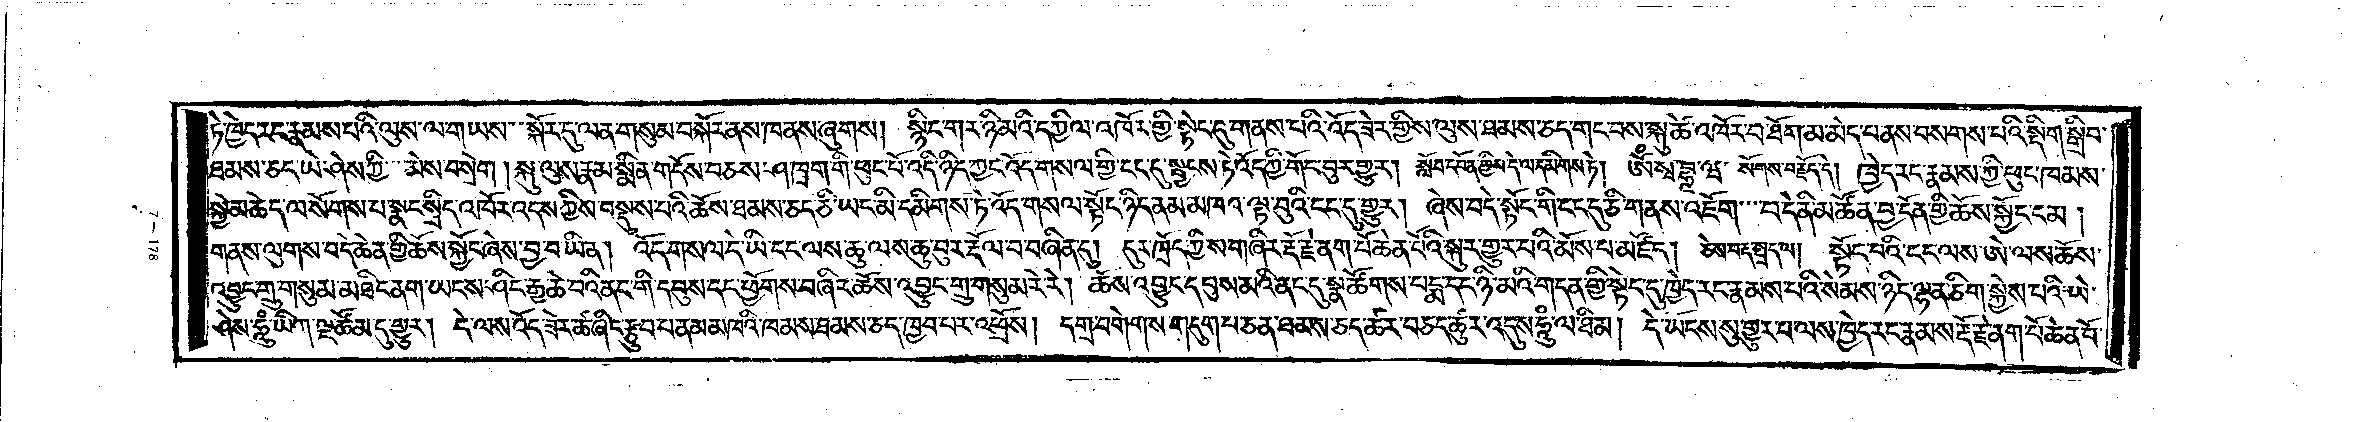ཏེ་ཁྱེད་རང་རྣམས་བའི་ལུས་ལ་གཡས་སྐོར་དུ་ལན་གསུམ་བསྐོར་ནས་ཁ་ནས་ཞུགས། སྙིང་གར་ཉི་མའི་དཀྱིལ་འཁོར་གྱི་སྟེང་དུ་གནས་པའི་འོད་ཟེར་གྱིས་ལུས་ཐམས་ཅད་གང་པས་སྐུ་ཚེ་འཁོར་བ་ཐོག་མ་མེད་པ་ནས་བསགས་པའི་སྡིག་སྒྲིག་
ཐམས་ཅད་ཡེ་ཤེས་ཀྱི་མེས་བསྲེག །སྐུ་ལུས་རྣམ་སྨིན་གདོས་བཅས་ཤ་ཁྲག་གི་ཕུང་པོ་འདི་ཉིད་ཀྱང་འོད་གསལ་གྱི་ངང་དུ་སྦྱངས་ཏེ་འོད་ཀྱི་གོང་བུར་གྱུར། སློབ་དཔོན་གྱིས་དེ་ལ་དམིགས་ཏེ།  ཨོཾ་སྭ་བྷཱ་ཝ་སོགས་བརྗོད་དེ།  ཁྱེད་རང་རྣམས་ཀྱི་ཕུང་ཁམས་
སྐྱེ་མཆེད་ལ་སོགས་པ་སྣང་སྲིད་འཁོར་འདས་ཀྱིས་བསྡུས་པའི་ཆོས་ཐམས་ཅད་ཅི་ཡང་མི་དམིགས་ཏེ་འོད་གསལ་སྟོང་ཉིད་ནམ་མཁའ་ལྟ་བུའི་ངང་དུ་གྱུར། ཞེས་བདེ་སྟོང་གི་ངང་དུ་ཅི་གནས་འཇོག་པ་དེ་ནི་མཚོན་བྱ་དོན་གྱི་ཆོས་སྐྱོང་ངམ།
གནས་ལུགས་བདེ་ཆེན་གྱི་ཆོས་སྐྱོང་ཞེས་བྱ་བ་ཡིན། འོད་གསལ་དེ་ཡི་ངང་ལས་ཆུ་ལས་ཆུ་བུར་རྡོལ་བ་བཞིན་དུ། དུར་ཁྲོད་ཀྱིས་གཞིར་རྡོ་རྗེ་ནག་པོ་ཆེན་པོའི་སྐུར་གྱུར་བའི་མོས་པ་མཛོད། ཅེས་བརྡ་སྤྲད་ལ།  སྟོང་པའི་ངང་ལས་ཨེ་ལས་ཆོས་
འབྱུང་གྲུ་གསུམ་མཐིང་ནག་ཡངས་ཤིང་རྒྱ་ཆེ་བའི་ནང་གི་དབུས་དང་ཕྱོགས་བཞིར་ཆོས་འབྱུང་གྲུ་གསུམ་རེ་རེ། ཆོས་འབྱུང་དབུས་མའི་ནང་དུ་སྣ་ཚོགས་པདམ་དང་ཉི་མའི་གདན་གྱི་སྟེང་དུ་ཁྱེད་རང་རྣམས་པའི་སེམས་ཉིད་ལྷན་ཅིག་སྐྱེས་པའི་ཡེ་
ཤེས་ཧཱུཾ་ཡིག་ལྔ་ཚོམ་དུ་གྱུར། དེ་ལས་འོད་ཟེར་ཚ་ཞིང་རྩུབ་པ་ནམ་མཁའི་ཁམས་ཐམས་ཅད་ཁྱབ་པར་འཕྲོས། དགྲ་བགེགས་གདུག་པ་ཅན་ཐམས་ཅད་ཚར་བཅད་ཚུར་འདུས་ཧཱུཾ་ལ་ཐིམ། དེ་ཡོངས་སུ་གྱུར་པ་ལས་ཁྱེད་རང་རྣམས་རྡོ་རྗེ་ནག་པོ་ཆེན་པོ་